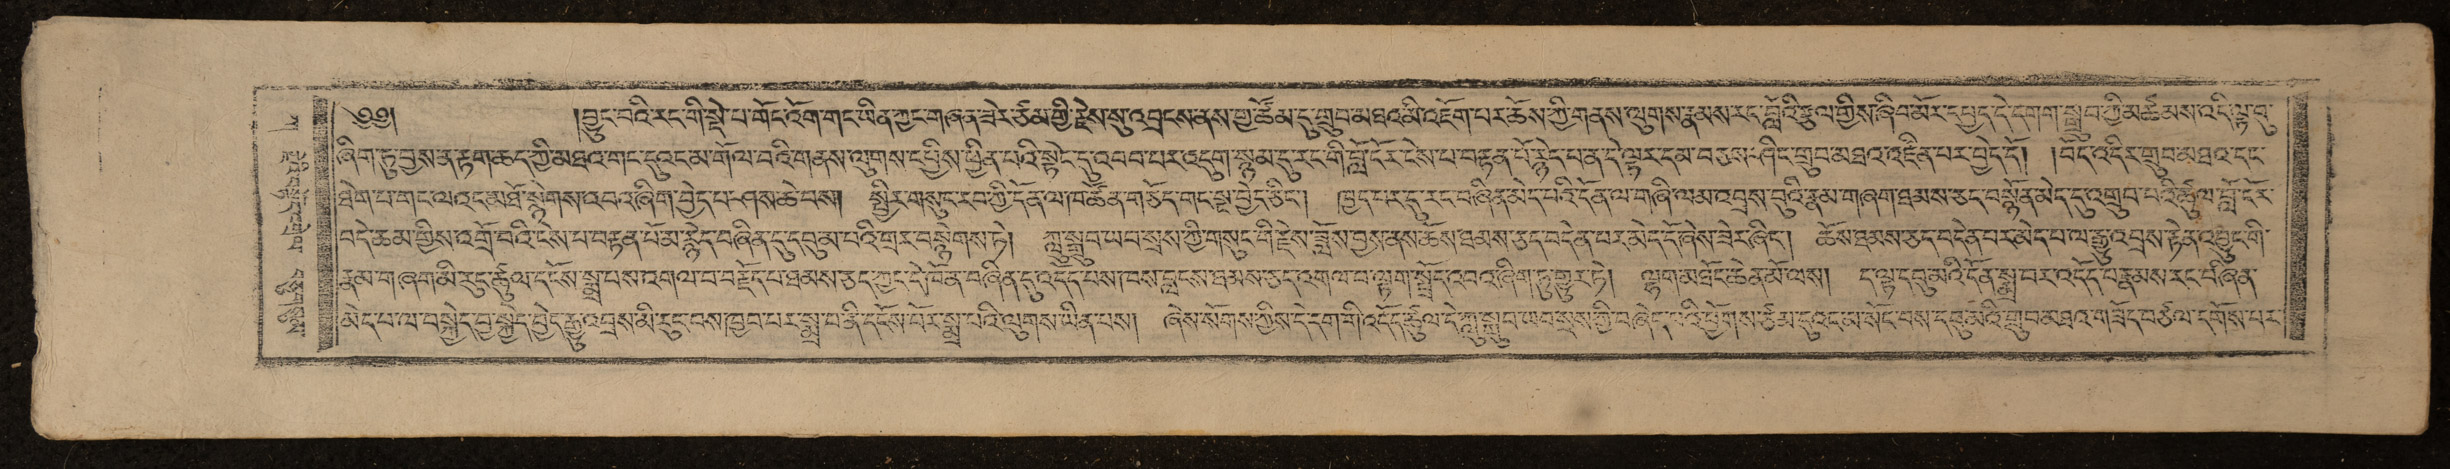༄༅། །བྱུང་བའི་རང་གི་སྡེ་པ་གོང་འོག་གང་ཡིན་ཀྱང་གཞན་ཟེར་ཙམ་གྱི་རྗེས་སུ་འབྲངས་ནས་གྱ་ཚོམ་དུ་གྲུབ་མཐའ་མི་འཇོག་པར་ཆོས་ཀྱི་གནས་ལུགས་རྣམས་རང་བློའི་རྩལ་གྱིས་ཞིབ་མོར་དཔྱད་དེ་དགག་སྒྲུབ་ཀྱི་མཚམས་འདི་ལྟ་བུ་
ཞིག་ཏུ་བྱས་ན་རྟག་ཆད་ཀྱི་མཐའ་གང་དུའང་མགོལ་བའི་གནས་ལུགས་དཔྱིས་ཕྱིན་པའི་སྟེང་དུ་འབབ་པར་འདུག་སྙམ་དུ་རང་གི་བློ་ངོར་ངེས་པ་བརྟན་པོ་རྙེད་པ་ན་དེ་ལྟར་དམ་བཅས་ཤིང་གྲུབ་མཐའ་འཛིན་པར་བྱེད་དོ། །བོད་འདིར་གྲུབ་མཐའ་དང་
ཐེག་པ་གང་ལའང་མཐོ་སྙེགས་འབའ་ཞིག་བྱེད་པ་ཤས་ཆེ་བས། སྤྱིར་གསུང་རབ་ཀྱི་དོན་ལ་ཁ་ཚོན་གཅོད་གང་སྔ་བྱེད་ཅིང་། ཁྱད་པར་དུ་རང་བཞིན་མེད་པའི་དོན་ལ་གཞི་ལམ་འབྲས་བུའི་རྣམ་གཞག་ཐམས་ཅད་བསྙོན་མེད་དུ་འགྲུབ་པའི་ཚུལ་བློ་ངོར་
བདེ་ཆམ་གྱིས་འགྲོ་བའི་ངེས་པ་བརྟན་པོ་མ་རྙེད་བཞིན་དུ་དབུ་མ་བའི་གྲར་བསྙེགས་ཏེ། ཀླུ་སྒྲུབ་ཡབ་སྲས་ཀྱི་གསུང་གི་རྗེས་ཟློས་བྱས་ནས་ཆོས་ཐམས་ཅད་བདེན་པར་མེད་དོ་ཞེས་ཟེར་ཞིང་། ཆོས་ཐམས་ཅད་བདེན་པར་མེད་པ་ལ་རྒྱུ་འབྲས་རྟེན་འབྱུང་གི་
རྣམ་གཞག་མི་རུང་ཚུལ་དངོས་སྨྲ་བས་འགལ་བ་བརྗོད་པ་ཐམས་ཅད་ཀྱང་དེ་ཁོ་ན་བཞིན་དུ་འདོད་པས་ཁས་བླངས་ཐམས་ཅད་འགལ་བ་ལྟག་སྤྲོད་འབའ་ཞིག་ཏུ་གྱུར་ཏེ། ལྷག་མཐོང་ཆེན་མོ་ལས། ད་ལྟ་དབུ་མའི་དོན་སྨྲ་བར་འདོད་པ་རྣམས་རང་བཞིན་
མེད་པ་ལ་བསྐྱེད་བྱ་སྐྱེད་བྱེད་རྒྱུ་འབྲས་མི་རུང་བས་ཁྱབ་པར་སྨྲ་བ་ནི་དངོས་པོར་སྨྲ་བའི་ལུགས་ཡིན་པས། ཞེས་སོགས་ཀྱིས་དེ་དག་གི་འདོད་ཚུལ་དེ་ཀླུ་སྒྲུབ་ཡབ་སྲས་ཀྱི་བཞེད་པའི་ཕྱོགས་ཙམ་དུའང་མ་སོང་བས་དབུ་མའི་གྲུབ་མཐའ་གཟོད་བཙལ་དགོས་པར་